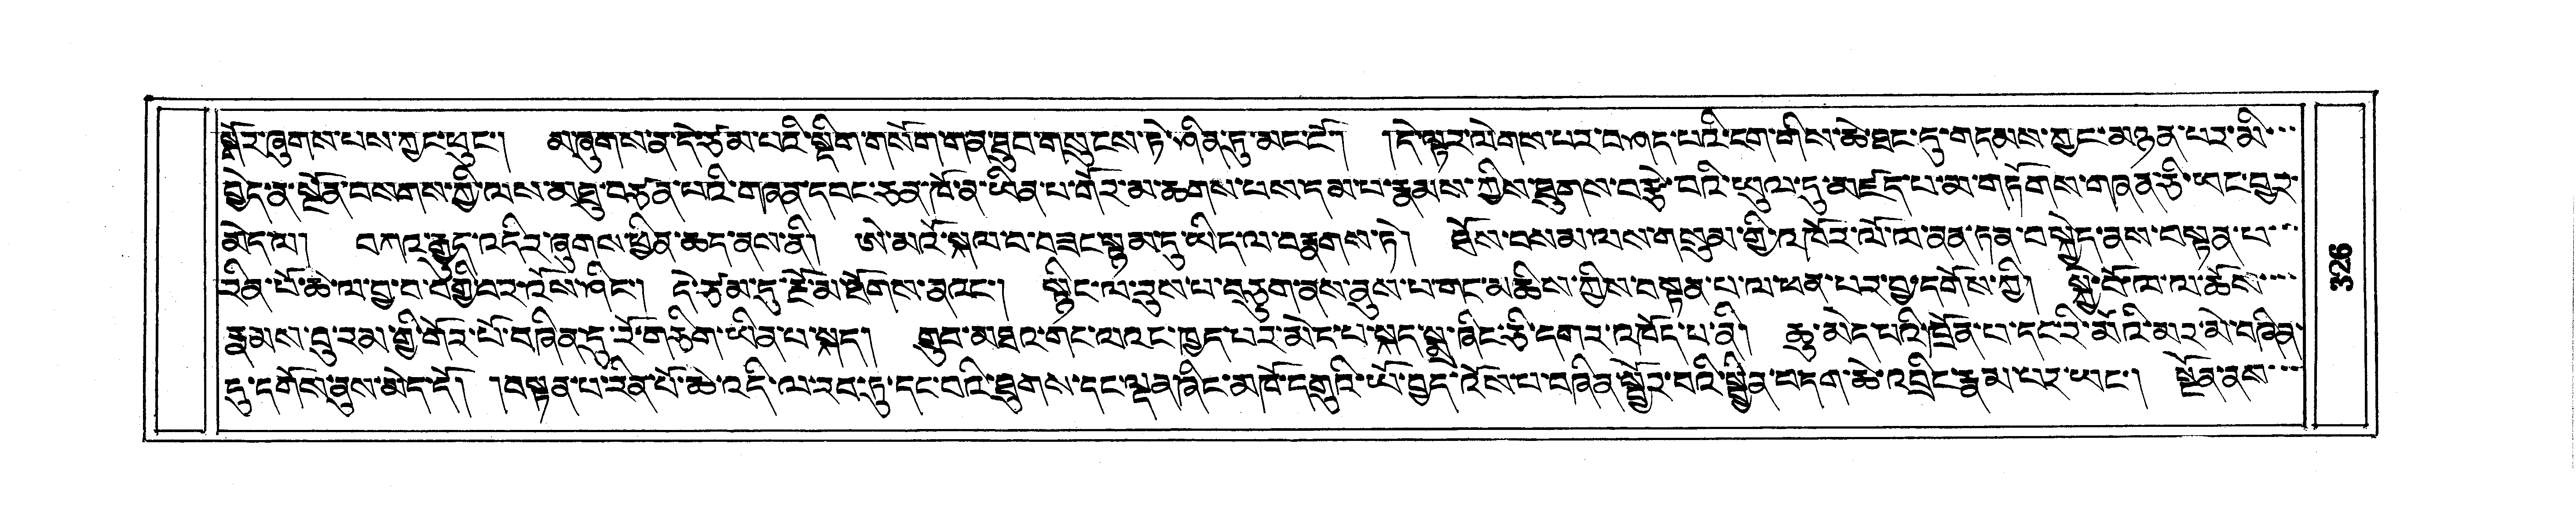སྒོར་ཞུགས་པས་ཀྱང་ཕུང་། མ་ཞུགས་ན་དེ་ཙམ་པའི་སྡིག་གསོག་ག་ན་ཐུབ་གསུངས་ཏེ་ཤིན་ཏུ་མང་ངོ། །དེ་ལྟར་ལེགས་པར་བཤད་པའི་ངག་གིས་ཆེ་ཐང་དུ་གདམས་ཀྱང་མཉན་པར་མི་
བྱེད་ན་སྔོན་བསགས་ཀྱི་ལས་མཐུ་བཙན་པའི་གཞན་དབང་ཅན་ཁོ་ན་ཡིན་པ་གོར་མ་ཆགས་པས་དམ་པ་རྣམས་ཀྱིས་ཐུགས་བརྩེ་པའི་ཡུལ་དུ་མཛད་པ་མ་གཏོགས་གཞན་ཅི་ཡང་བྱར་
མེད་ལ། བཀའ་རྒྱུད་འདིར་ཞུགས་ཕྱིན་ཆད་ནས་ནི། ཨེ་མའོ་སྐལ་བ་བཟང་སྙམ་དུ་ཡིད་ལ་བརྣགས་ཏེ། ཐོས་བསམ་ལས་གསུམ་གྱི་འཁོར་ལོ་ལ་ནན་ཏན་བསྐྱེད་ནས་བསྟན་པ་
རིན་པོ་ཆེ་ལ་བྱ་བ་བགྱི་བར་འོས་ཤིང་། དེ་ཙམ་དུ་རྔོ་མ་ཐོགས་ནའང་། སྙིང་ལ་རུས་པ་བཅུག་ནས་ནུས་པ་གང་མཆིས་ཀྱིས་བསྟན་པ་ལ་ཕན་པར་བྱ་དགོས་ཀྱི། སྐྱེ་བོ་ལ་ལ་ཆོས་
རྣམས་བུ་རམ་གྱི་གོར་པོ་བཞིན་དུ་རོ་གཅིག་ཡིན་པ་སྐད། གྲུབ་མཐའ་གང་ལའང་ཁྱད་པར་མེད་པ་སྐད་སྨྲ་ཞིང་ཅི་དགར་འཁོད་པ་ནི། ཆུ་མེད་པའི་ཁྲོན་པ་དང་རི་མོའི་མར་མེ་བཞིན་
དུ་དགོས་ནུས་མེད་དོ། །བསྟན་པ་རིན་པོ་ཆེ་འདི་ལ་རབ་ཏུ་དང་བའི་ཐུགས་དང་ལྡན་ཞིང་མཁོ་དགུའི་ཡོ་བྱད་འོས་པ་བཞིན་སྦྱོར་བའི་སྤྱིན་བདག་ཆེ་འབྲིང་རྣམ་པར་ཡང་། སྔོན་ནས་